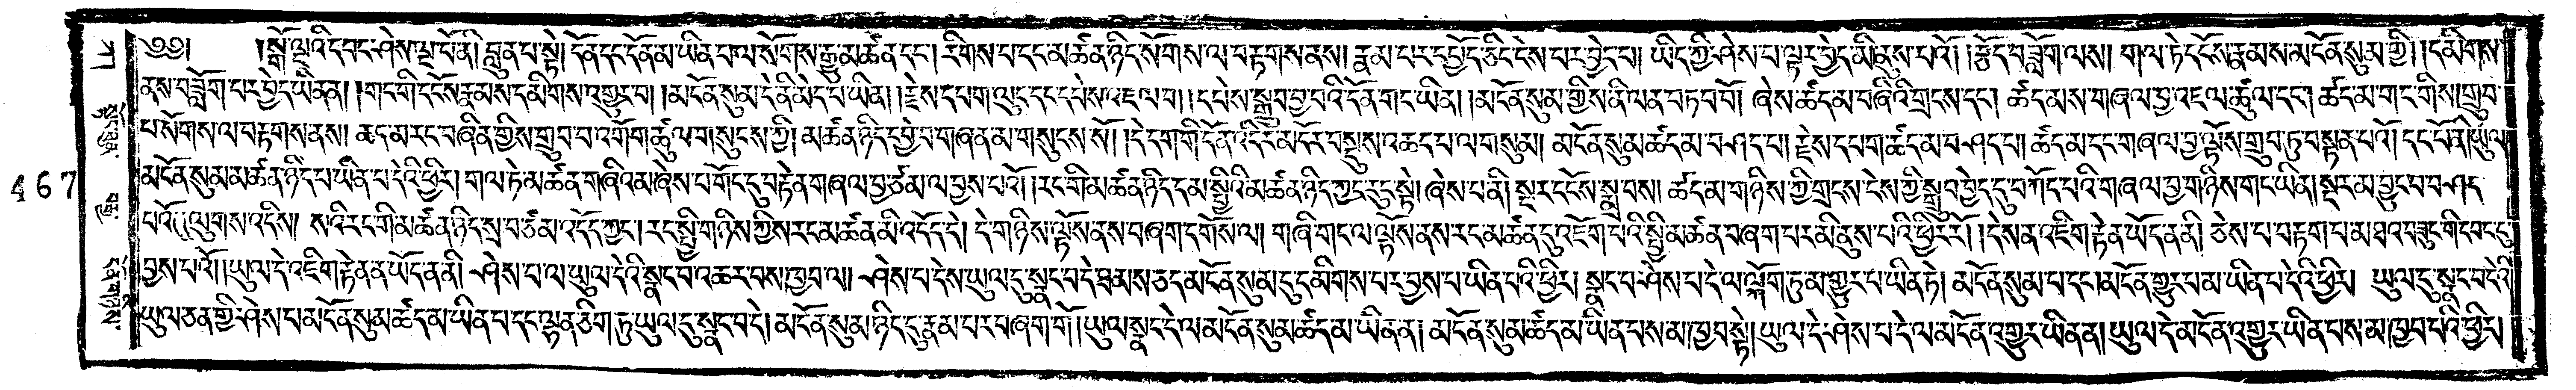༄༅། །སྒོ་ལྔའི་དབང་ཤེས་ལྔ་པོ་ནི། བླུན་པ་སྟེ། དོན་དང་དོན་མ་ཡིན་བ་ལ་སོགས་རྒྱུ་མཚན་དང་། རིགས་པ་དང་མཚན་ཉིད་སོགས་ལ་བརྟགས་ནས། རྣམ་པར་དཔྱོད་ཅིང་ངེས་པར་བྱེད་བ། ཡིད་ཀྱི་ཤེས་པ་ལྟར་བྱེད་མི་ནུས་པའོ། །རྩོད་བཟློག་ལས། གལ་ཏེ་དངོས་རྣམས་མངོན་སུམ་གྱི། །དམིགས་
ནས་བཟློག་པར་བྱེད་ཡིན་ན། །གང་གི་དངོས་རྣམས་དམིགས་འགྱུར་བ། །མངོན་སུམ་དེ་ནི་མེད་པ་ཡིན། །རྗེས་དཔག་ལུང་དང་དཔེས་འཇལ་བ། །དཔེས་སྒྲུབ་བྱ་བའི་དོན་གང་ཡིན། །མངོན་སུམ་གྱིས་ནི་ལན་བཏབ་བོ། ཞེས་ཚད་མ་བཞིའི་གྲངས་དང་། ཚད་མས་གཞལ་བྱ་འཇལ་ཚུལ་དང་། ཚད་མ་གང་གིས། གྲུབ་
པ་སོགས་ལ་བརྟགས་ནས། ཚད་མ་རང་བཞིན་གྱིས་གྲུབ་བ་འགོག་ཚུལ་གསུངས་ཀྱི། མཚན་ཉིད་དབྱེ་བ་གཞན་མ་གསུངས་སོ། །དེ་དག་གི་དོན་འདིར་མདོར་བསྡུས་འཆད་པ་ལ་གསུམ། མངོན་སུམ་ཚད་མ་བཤད་པ། རྗེས་དཔག་ཚད་མ་བཤད་པ། ཚད་མ་དང་གཞལ་བྱ་ལྟོས་གྲུབ་ཏུ་བསྟན་པའོ། དང་པོ་ནི། ཡུལ་
མངོན་སུམ་མཚན་ཉིད་པ་ཡིན་པ་དེའི་ཕྱིར། གལ་ཏེ་མཚན་གཞིའམ་ཞེས་པ་གོང་དུ་བརྟེན་གཞལ་བྱ་ཙམ་ལ་བྱས་པའོ། །རང་གི་མཚན་ཉིད་དམ་སྤྱིའི་མཚན་ཉིད་ཀྱང་རུང་སྟེ། ཞེས་པ་ནི། སྔར་དངོས་སྨྲ་བས། ཚད་མ་གཉིས་ཀྱི་གྲངས་ངེས་ཀྱི་སྒྲུབ་བྱེད་དུ་བཀོད་པའི་གཞལ་བྱ་གཉིས་གང་ཡིན། སྔར་མ་བྱུང་བ་བཤད་
པའོ༑ ༑ལུགས་འདིས། སའི་རང་གི་མཚན་ཉིད་སྲ་བ་ཙམ་འདོད་ཀྱང་། རང་སྤྱི་གཉིས་ཀྱིས་རང་མཚན་མི་འདོད་དེ། དེ་གཉིས་ལྟོས་ནས་བཞག་དགོས་ལ། གཞི་གང་ལ་ལྟོས་ནས་རང་མཚན་དུ་འཇོག་པའི་སྤྱི་མཚན་བཞག་པར་མི་ནུས་པའི་ཕྱིར་རོ། །དེས་ན་འཇིག་རྟེན་ཡོད་ན་ནི། ཅེས་པ་བརྟག་པ་མཐའ་བཟུང་གི་དབང་དུ་
བྱས་པའོ། །ཡུལ་དེ་འཇིག་རྟེན་ན་ཡོད་ན་ནི། ཤེས་པ་ལ་ཡུལ་དེའི་སྣང་བ་འཆར་བས་ཁྱབ་ལ། ཤེས་པ་དེས་ཡུལ་དུ་སྣང་བ་དེ་ཐམས་ཅད་མངོན་སུམ་དུ་དམིགས་པར་བྱས་པ་ཡིན་པའི་ཕྱིར། སྣང་བ་ཤེས་པ་དེ་ལ་ལྐོག་ཏུ་མ་གྱུར་པ་ཡིན་ཏེ། མངོན་སུམ་པ་དང་། མངོན་གྱུར་པ་མ་ཡིན་པ་དེའི་ཕྱིར། ཡུལ་དུ་སྣང་བ་དེའི་
ཡུལ་ཅན་གྱི་ཤེས་པ་མངོན་སུམ་ཚད་མ་ཡིན་པ་དང་ལྷན་ཅིག་ཏུ་ཡུལ་དུ་སྣང་བ་དེ། མངོན་སུམ་ཉིད་དུ་རྣམ་པར་བཞག་གོ །ཡུལ་སྣང་དེ་ལ་མངོན་སུམ་ཚད་མ་ཡིན་ན། མངོན་སུམ་ཚད་མ་ཡིན་པས་མ་ཁྱབ་སྟེ། ཡུལ་དེ་ཤེས་པ་དེ་ལ་མངོན་འགྱུར་ཡིན་ན། ཡུལ་དེ་མངོན་འགྱུར་ཡིན་པས་མ་ཁྱབ་པའི་ཕྱིར།